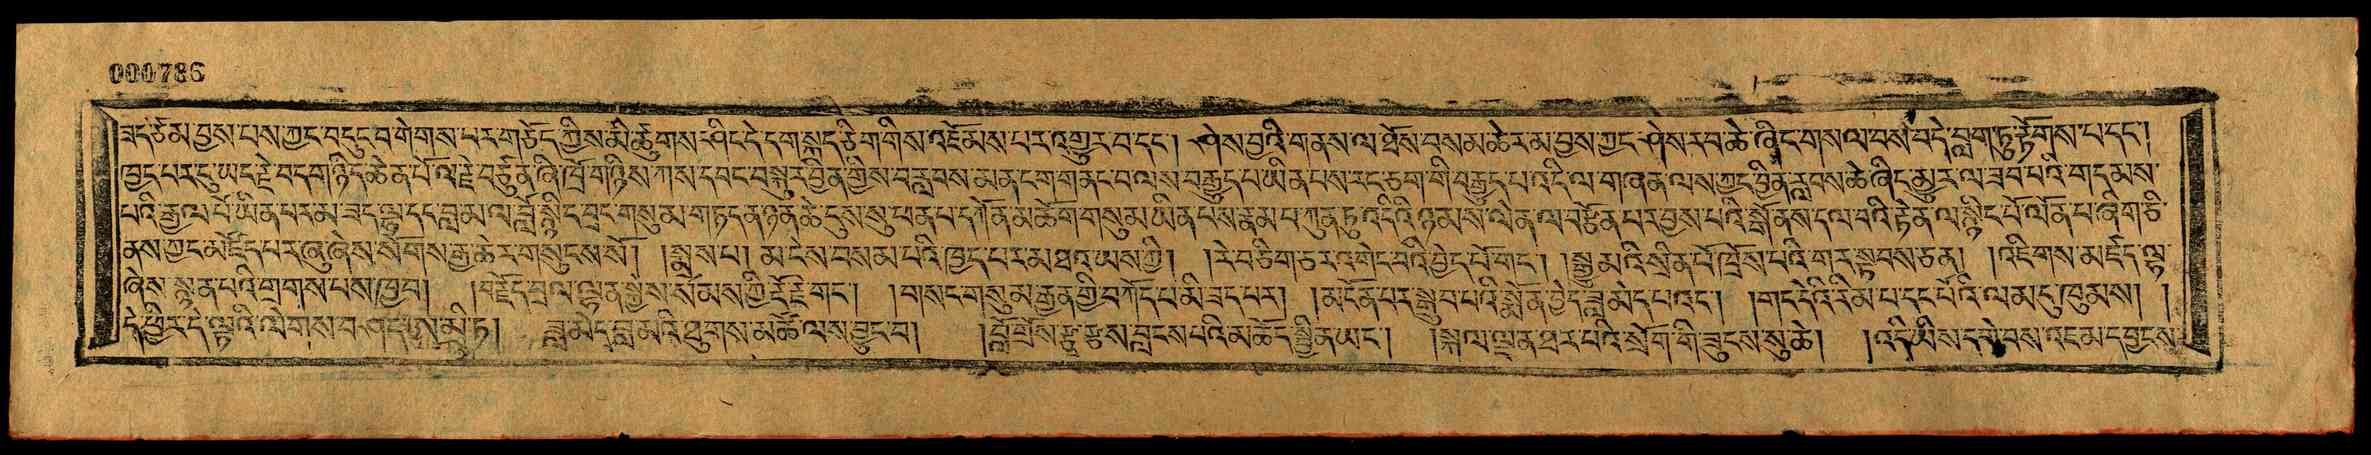ཟད་ཙམ་བྱས་པས་ཀྱང་བདུད་བགེགས་པར་གཅོད་ཀྱིས་མི་ཚུགས་ཤིང་དེ་དག་སྐད་ཅིག་གིས་འཇོམས་པར་འགྱུར་བ་དང་། ཤེས་བྱའི་གནས་ལ་ཐོས་བསམ་ཆེར་མ་བྱས་ཀྱང་ཤེས་རབ་ཆེ་ཞིང་གསལ་བས་བདེ་བླག་ཏུ་རྟོགས་པ་དང་།
ཁྱད་པར་དུ་ཡང་རྗེ་བདག་ཉིད་ཆེན་པོ་ལ་རྗེ་བཙུན་ཞི་ཁྲོ་གཉིས་ཀས་དབང་བསྐུར་བྱིན་གྱིས་བརླབས་མན་ངག་གནང་བ་ལས་བརྒྱུད་པ་ཡིན་པས་རང་ཅག་གི་བརྒྱུད་པ་འདི་ལ་གཞན་ལས་ཀྱང་བྱིན་རླབས་ཆེ་ཞིང་མྱུར་ལ་ཟབ་པའི་གདམས་
པའི་རྒྱལ་པོ་ཡིན་པར་མ་ཟད་ལྷ་དང་བླ་མ་ལ་བློ་སྙིང་བྲང་གསུམ་གཏད་ན་ཉེན་ཆེ་དུས་སུ་ཕན་པ་དཀོན་མཆོག་གསུམ་ཡིན་པས་རྣམ་པ་ཀུན་ཏུ་འདིའི་ཉམས་ལེན་ལ་བརྩོན་པར་བྱས་པའི་སྒོ་ནས་དལ་བའི་རྟེན་ལ་སྙིང་པོ་ལོན་པ་ཞིག་ཅི་
ནས་ཀྱང་མཛད་པར་ཞུ་ཞེས་སོགས་རྒྱ་ཆེར་གསུངས་སོ། །སྨྲས་པ། མ་ངེས་བསམ་པའི་ཁྱད་པར་མཐའ་ཡས་ཀྱི། །རེ་བ་ཅིག་ཅར་འགེང་བའི་བྱེད་པོ་གང་། །སྒྱུ་མའི་སྲིན་པོ་ཁྲོས་པའི་གར་སྟབས་ཅན། །འཇིགས་མཛད་ལྷ་
ཞེས་སྙན་པའི་གྲགས་པས་ཁྱབ། །བརྗོད་བྲལ་ལྷན་སྐྱེས་སེམས་ཀྱི་རྡོ་རྗེ་གང་། །གསང་གསུམ་རྒྱན་གྱི་བཀོད་པ་མི་ཟད་པར། །མངོན་པར་སྒྲུབ་པའི་སྨིན་བྱེད་ཟླ་མེད་པའང་། །གང་དེའི་རིམ་པ་དང་པོའི་ལམ་དུ་ཁུམས། །
དེ་ཕྱིར་དེ་ལྟའི་ལེགས་བཤད་ཨ་མྲྀ་ཏ། །ཟླ་མེད་བླ་མའི་ཐུགས་མཚོ་ལས་བྱུང་བ། །བློ་གྲོས་རྩ་རྩིས་བླངས་པའི་མཆོད་སྦྱིན་ཡང་། །སྐལ་ལྡན་ཐར་པའི་སྲོག་གི་ཟུངས་སུ་ཆེ། །འདི་ཡིས་དགེ་བས་འཇམ་དབྱངས་